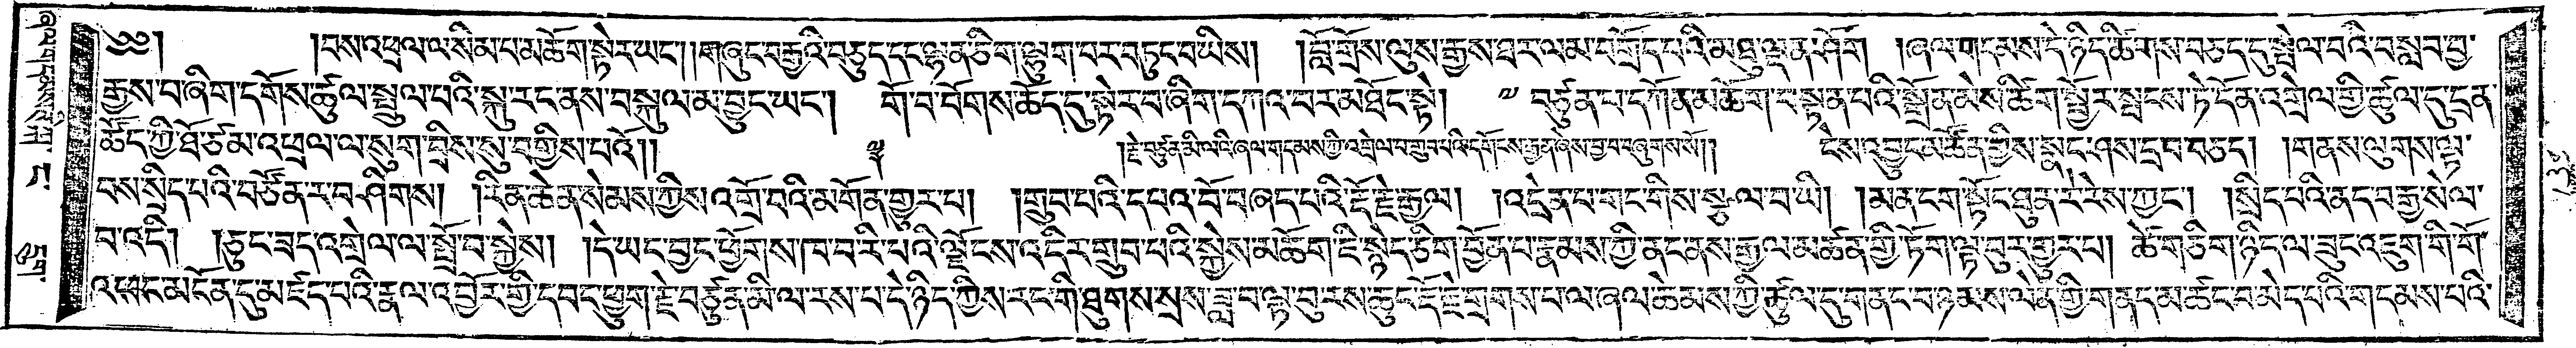༄༅། །བས་འཕྲལ་ལ་སིམ་པ་མཆོག་སྟེར་ཡང་། །གཞུང་བརྒྱའི་བཅུད་དང་ལྷན་ཅིག་ལྷུག་པར་བཏུང་བ་ཡིས། །བློ་གྲོས་ལུས་རྒྱས་ཐར་ལམ་བགྲོད་པའི་མཐུ་ལྡན་ཤོག །ཞལ་གདམས་དེ་ཉིད་ཚིགས་བཅད་དུ་སྤེལ་བའི་བསླབ་བྱ་
རྒྱས་པ་ཞིག་དགོས་ཚུལ་སྤྲུལ་བའི་སྐུ་རང་ནས་བསྐུལ་མ་བྱུང་ཡང་། གོ་བ་བོགས་ཆོད་དུ་སྟེར་བ་ཞིག་དཀའ་བར་མཐོང་སྟེ། ༧བཙུན་པ་དཀོན་མཆོག་བསྟན་པའི་སྒྲོན་མེས་ཚིག་སྦྱོར་སྤངས་ཏེ་དོན་འགྲེལ་གྱི་ཚུལ་དུ་དྲན་
ཚོད་ཀྱི་ཐོ་ཙམ་འཕྲལ་ལ་སུག་བྲིས་སུ་བགྱིས་པའོ།། ༈ །རྗེ་བཙུན་མི་ལའི་ཞལ་གདམས་ཀྱི་འགྲེལ་པ་གྲུབ་པའི་དགོངས་རྒྱན་ཞེས་བྱ་བ་བཞུགས་སོ།།  ངེས་འབྱུང་མཚན་གྱིས་སྣང་ཤས་དྲ་བ་བཅད། །གནས་ལུགས་ལྟ་
བས་སྲིད་པའི་བཙོན་ར་བཤིགས། །རིན་ཆེན་སེམས་ཀྱིས་འགྲོ་བའི་མགོན་གྱུར་པ། །གྲུབ་པའི་དཔའ་བོ་བཞད་པའི་རྡོ་རྗེ་རྒྱལ། །འདྲེན་པ་གང་གིས་སྩལ་བ་ཡི། །མན་ངག་སྟོང་ཐུན་རེ་རེས་ཀྱང་། །སྲིད་པའི་ནད་བརྒྱ་སེལ་
བ་འདི། །ཅུང་ཟད་འགྲེལ་ལ་སྤྲོ་བ་སྐྱེས། །དེ་ཡང་བྱང་ཕྱོགས་ཁ་བ་རི་པའི་ལྗོངས་འདིར་གྲུབ་པའི་སྐྱེས་མཆོག་ཇི་སྙེད་ཅིག་བྱོན་པ་རྣམས་ཀྱི་ནང་ནས་རྒྱལ་མཚན་གྱི་ཏོག་ལྟ་བུར་གྱུར་པ། ཚེ་གཅིག་ཉིད་ལ་ཟུང་འཇུག་གི་གོ་
འཕང་མངོན་དུ་མཛད་པའི་རྣལ་འབྱོར་གྱི་དབང་ཕྱུག་རྗེ་བཙུན་མི་ལ་རས་པ་དེ་ཉིད་ཀྱིས་རང་གི་ཐུགས་སྲས་ཟླ་བ་ལྟ་བུ་རས་ཆུང་རྡོ་རྗེ་གྲགས་པ་ལ་ཞལ་ཆེམས་ཀྱི་ཚུལ་དུ་གནང་བ་ཉམས་ལེན་གྱི་གནད་མ་ཚང་བ་མེད་པའི་གདམས་པའི་